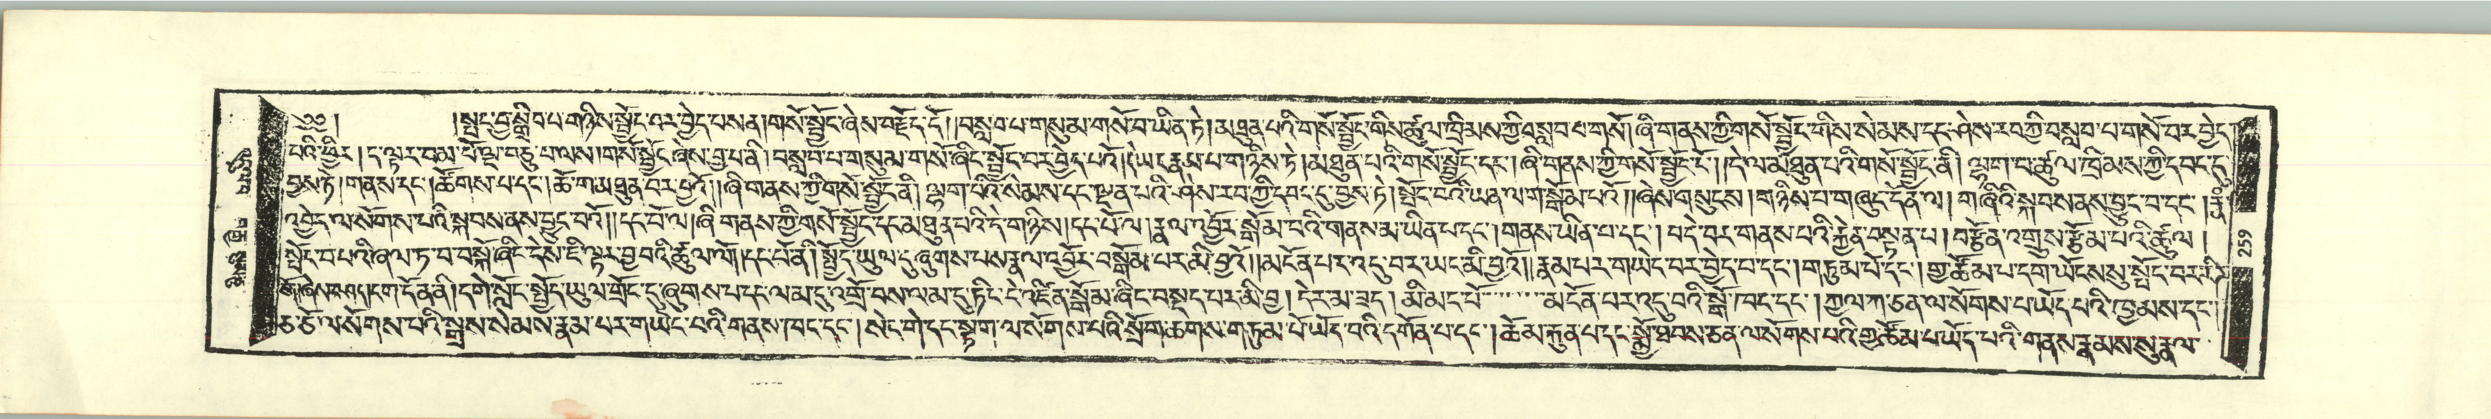༄༅། །སྤང་བྱ་སྒྲིབ་པ་གཉིས་སྦྱོང་བར་བྱེད་པས་ན། གསོ་སྦྱོང་ཞེས་བརྗོད་དོ། །བསླབ་པ་གསུམ་གསོ་བ་ཡིན་ཏེ། མཐུན་པའི་གསོ་སྦྱོང་གིས་ཚུལ་ཁྲིམས་ཀྱི་བསླབ་པ་གསོ། ཞི་གནས་ཀྱི་གསོ་སྦྱོང་གིས་སེམས་དང་ཤེས་རབ་ཀྱི་བསླབ་པ་གསོ་བར་བྱེད་
པའི་ཕྱིར། ད་ལྟར་བམ་པོ་ལྔ་བཅུ་པ་ལས། གསོ་སྦྱོང་ཞེས་བྱ་བ་ནི། བསླབ་པ་གསུམ་གསོ་ཞིང་སྦྱོང་བར་བྱེད་པའོ། དེ་ཡང་རྣམ་པ་གཉིས་ཏེ། མཐུན་པའི་གསོ་སྦྱོང་དང་། ཞི་གནས་ཀྱི་གསོ་སྦྱོང་ངོ། །དེ་ལ་མཐུན་པའི་གསོ་སྦྱོང་ནི། ལྷག་པ་ཚུལ་ཁྲིམས་ཀྱི་དབང་དུ་
བྱས་ཏེ། གནས་དང་། ཚོགས་པ་དང་། ཆོ་ག་མཐུན་བར་བྱའོ། །ཞི་གནས་ཀྱི་གསོ་སྦྱོང་ནི། ལྷག་པའི་སེམས་དང་ལྡན་པའི་ཤེས་རབ་ཀྱི་དབང་དུ་བྱས་ཏེ། སྤོང་བའི་ཡིན་ལག་སྒོམ་པའོ། །ཞེས་གསུངས། གཉིས་པ་གཞུང་དོན་ལ། གཞིའི་སྐབས་ནས་བྱུང་བ་དང་། རྣམ་
འབྱེད་ལ་སོགས་པའི་སྐབས་ནས་བྱུང་བའོ། །དང་པོ་ལ། ཞི་གནས་ཀྱི་གསོ་སྦྱོང་དང་མཐུན་པའི་དེ་གཉིས། དང་པོ་ལ་རྣལ་འབྱོར་སྒོམ་པའི་གནས་མ་ཡིན་པ་དང་། གནས་ཡིན་པ་དང་། བདེ་བར་གནས་པའི་རྐྱེན་བསྟན་པ། བརྩོན་འགྲུས་རྩོམ་པའི་ཚུལ།
སྤོང་བ་པའི་ཞལ་ཏ་བ་བསྐོ་ཞིང་དེས་ཇི་ལྟར་བྱ་བའི་ཚུལ་ལོ། །དང་པོ་ནི། སྤྱོད་ཡུལ་དུ་ཞུགས་པས་རྣལ་འབྱོར་བསྒོམ་པར་མི་བྱའོ། །མངོན་པར་འདུ་བར་ཡང་མི་བྱའོ། །རྣམ་པར་གཡེང་བར་བྱེད་པ་དང་། གཏུམ་པོ་དང་། བཏུམ་པོ་དང་། གྱ་ཚོམ་པ་དག་ཡོངས་སུས་པོང་བར་རིགས་
སོ༑ ༑ཞེས་བཤད། ངག་དོན་ནི། དགེ་སློང་སྤྱོད་ཡུལ་གྲོང་དུ་ཞུགས་པ་དང་ལམ་དུ་འགྲོ་བས་ལམ་དུ་ཏིང་ངེ་འཛིན་སྒོམ་ཞིང་བསྡད་པར་མི་བྱ། དེར་མ་ཟད། མི་མང་པོ་མངོན་པར་འདུ་བའི་སྒོ་ཁང་དང་། ཀྱལ་ཀ་ཅན་ལ་སོགས་པ་ཡོད་པའི་ཁྱབས་དང་
ཅ་ཅོ་ལ་སོགས་པའི་སྒྲས་སེམས་རྣམ་པར་གཡེང་བའི་གནས་ཁང་དང་། སེང་གེ་དང་སྟག་ལ་སོགས་པའི་སྲོག་ཆགས་གཏུམ་པོ་ཡོད་པའི་དགོན་པ་དང་། ཆོམ་རྐུན་པ་དང་སྨྱོ་ཐབས་ཅན་ལ་སོགས་པའི་གྱ་ཚོམ་པ་ཡོད་པའི་གནས་རྣམས་སུ་རྣལ་